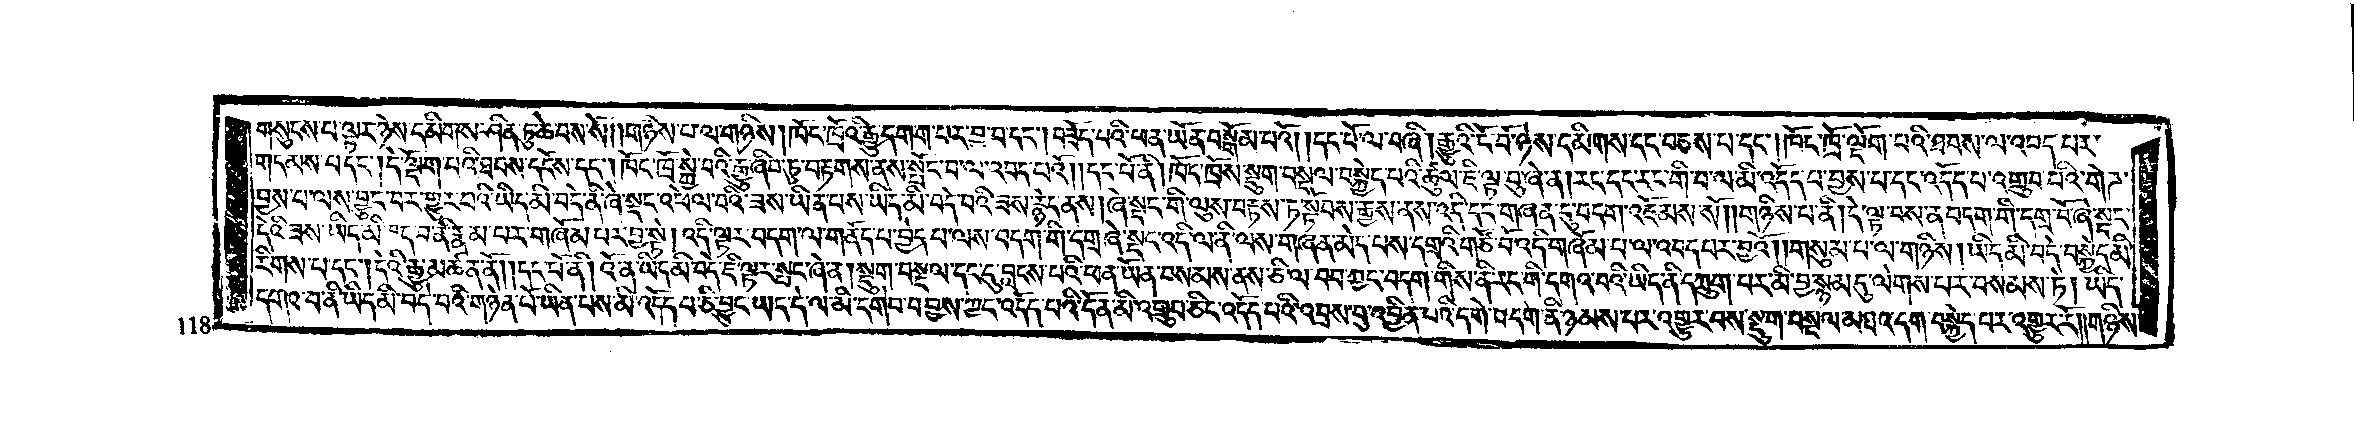གསུངས་པ་ལྟར་ཉེས་དམིགས་ཤིན་ཏུ་ཆེ་བས་སོ། །གཉིས་པ་ལ་གཉིས། ཁོང་ཁྲོའི་རྒྱུ་དགག་པར་བྱ་བ་དང་། བཟོད་པའི་ཕན་ཡོན་བསྒོམ་པའོ། །དང་པོ་ལ་བཞི། རྒྱུའི་ངོ་བོ་ཉེས་དམིགས་དང་བཅས་པ་དང་། ཁོང་ཁྲོ་ལྡོག་པའི་ཐབས་ལ་འབད་པར་
གདམས་པ་དང་། དེ་ལྡོག་པའི་ཐབས་དངོས་དང་། ཁོང་ཁྲོ་སྐྱེ་བའི་རྒྱུ་ཞིབ་ཏུ་བརྟགས་ནས་སྤོང་བ་ལ་འབད་པའོ། །དང་པོ་ནི། ཁོང་ཁྲོས་སྡུག་བསྔལ་བསྐྱེད་པའི་ཚུལ་ཇི་ལྟ་བུ་ཞེ་ན། རང་དང་རང་གི་བ་ལ་མི་འདོད་པ་བྱས་པ་དང་འདོད་པ་འགྲུབ་པའི་གེགས་
བྱས་པ་ལས་བྱུང་བར་གྱུར་པའི་ཡིད་མི་བདེ་ནི་ཞེ་སྡང་འཕེལ་བཱི་ཟཟས་ཡིན་པས་ཡིད་མི་བདེ་བའི་ཟས་རྙེད་ནས། ཞེ་སྡང་གི་ལུས་བརྟས་ཏ་སྟོབས་རྒྱས་ནས་འདི་དང་གཞན་དུ་བདག་འཇོམས་སོ། །གཉིས་པ་ནི་དེ་ལྟ་བས་ན་བདག་གི་དགྲ་བོ་ཞེ་སྡང་
དེའི་ཟས་ཡིད་མི་བདེ་བ་ནི་རྣམ་པར་གཞོམ་པར་བྱ་སྟེ། འདི་ལྟར་བདག་ལ་གནོད་པ་བྱེད་པ་ལས་བདག་གི་དགྲ་ཞེ་སྡང་འདི་ལ་ནི་ལས་གཞན་མེད་པས་དགྲའི་གཙོ་བོ་འདི་གཞོམ་པ་ལ་འབད་པར་བྱའོ། །གསུམ་པ་ལ་གཉིས། ཡིད་མི་བདེ་བསྐྱེད་མི་
རིགས་པ་དང་། དེའི་རྒྱུ་མཚན་ནོ། །དང་པོ་ནི། འོ་ན་ཡིད་མི་བདེ་ཇི་ལྟར་སྤང་ཞེ་ན། སྡུག་བསྔལ་དང་དུ་བླངས་པའི་ཕན་ཡོན་བསམས་ནས་ཅི་ལ་བབ་ཀྱང་བདག་གིས་ནི་རང་གི་དགའ་བའི་ཡིད་ནི་དཀྲུག་པར་མི་བྱ་སྙམ་དུ་ལེགས་པར་བསམས་ཏེ། ཡིད་
དགའ་བ་ནི་ཡིད་མི་བདེ་བའི་གཉེན་པོ་ཡིན་པས་མི་འདོད་པ་ཅི་བྱུང་ཡང་དེ་ལ་མི་དགེ་བ་བ་བྱས་ཀྱང་འདོད་པའི་དོན་མི་འགྲུབ་ཅིང་འདོད་པའི་འབྲས་བུ་འབྱིན་པའི་དགེ་བ་དགེ་ནི་ཉམས་པར་འགྱུར་བས་སྡུག་བསྔལ་མཐའ་དག་བསྐྱེད་པར་འགྱུར་རོ། །གཉིས་